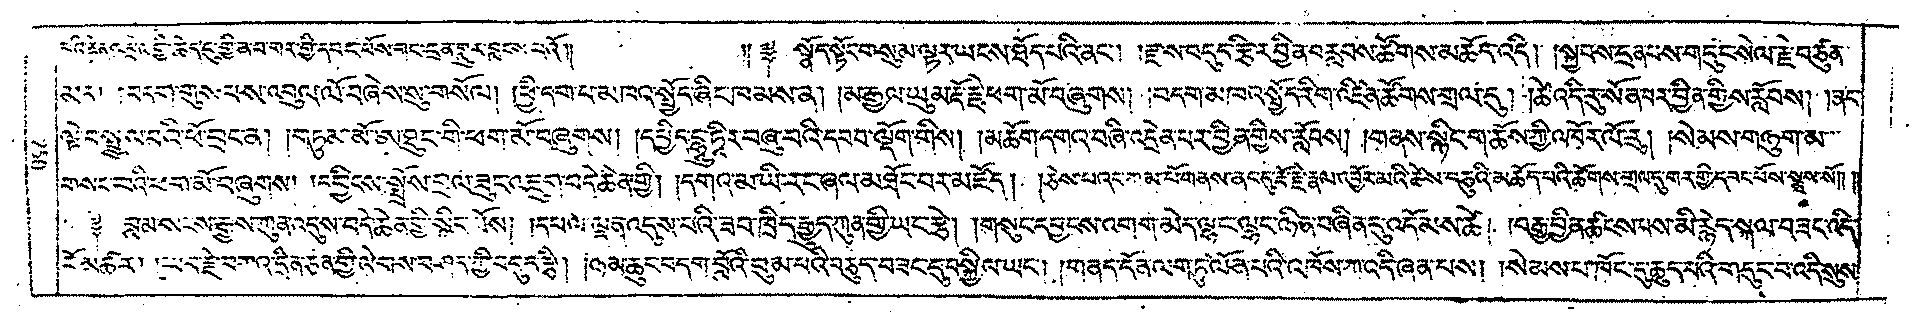བའི་རྟེན་འབྲེལ་གྱི་ཆེད་དུ་གྱི་ན་བ་གར་གྱི་དབང་པོས་གང་དྲན་གླུར་བླངས་པའོ།། །། ༈ སྣོད་སྟོང་གསུམ་ལྟར་ཡངས་ཐོད་པའི་ནང་། །རྫས་བདུད་རྩིར་བྱིན་བརླབས་ཚོགས་མཆོད་འདི། །སྐྱབས་དྲན་པས་གདུང་སེལ་རྗེ་བཙུན་
མར། །བདག་གུས་པས་འབུལ་ལོ་བཞེས་སུ་གསོལ། །ཕྱི་དག་པ་མཁའ་སྤྱོད་ཞིང་ཁམས་ན། །མ་རྒྱལ་ཡུམ་རྡོ་རྗེ་ཕག་མོ་བཞུགས། །བདག་མཁའ་སྤྱོད་རིག་འཛིན་ཚོགས་གྲལ་དུ། །ཚེ་འདི་རུ་སོན་པར་བྱིན་གྱིས་རློབས། །ནང་
ལྟེ་བ་སྤྲུལ་བའི་ཕོ་བྲང་ན། །གཏུམ་མོ་ཨ་ཐུང་གི་ཕག་མོ་བཞུགས། །དཔྱིད་དྷཱུ་ཏཱིར་བཞུ་བའི་དབབ་ལྡོག་གིས། །མཆོག་དགའ་བཞི་འདྲེན་པར་བྱིན་གྱིས་རློབས། །གནས་སྙིང་ག་ཆོས་ཀྱི་འཁོར་ལོ་རུ། །སེམས་གཉུག་མ་
གསང་བའི་ཕག་མོ་བཞུགས། །དབྱིངས་སྤྲོས་བྲལ་ཟུང་འཇུག་བདེ་ཆེན་གྱི། །དགའ་མ་ཡི་རང་ཞལ་མཐོང་བར་མཛོད། ། ཅེས་པའང་ཀམ་པོ་གནས་ནང་དུ་རྡོ་རྗེ་རྣལ་འབྱོར་མའི་ཚེས་བཅུའི་མཆོད་པའི་ཚོགས་གྲལ་དུ་གར་གྱི་དབང་པོས་སྨྲས་སོ།།  །།
༈ བླ་མ་སངས་རྒྱས་ཀུན་འདུས་བདེ་ཆེན་གྱི་སྙིང་པོས། །དཔལ་ལྡན་འདུས་པའི་ཟབ་ཁྲིད་རྒྱུད་ཀུན་གྱི་ཡང་རྩེ། །གསུང་དབྱངས་འགག་མེད་ལྷང་ལྷང་ཉིན་བཞིན་དུ་འདོམས་ཚེ། །བརྒྱ་བྱིན་ཚངས་པས་མི་རྙེད་སྐལ་བཟང་འདི་
ངོ་མཚར། །ཡབ་རྗེ་བཀའ་དྲིན་ཅན་གྱི་ལེགས་བཤད་ཀྱི་བདུད་རྩི། །ཉམ་ཆུང་བདག་བློའི་བུམ་པའི་བཅུད་བཟང་དུ་བསྐྱིལ་ཡང་། །གནད་དོན་ལག་ཏུ་ལོན་པའི་འཁོས་ཀ་འདི་ཞན་པས། །སེམས་པ་ཁོང་དུ་ཆུད་པའི་གདུང་བ་འདི་སུས་